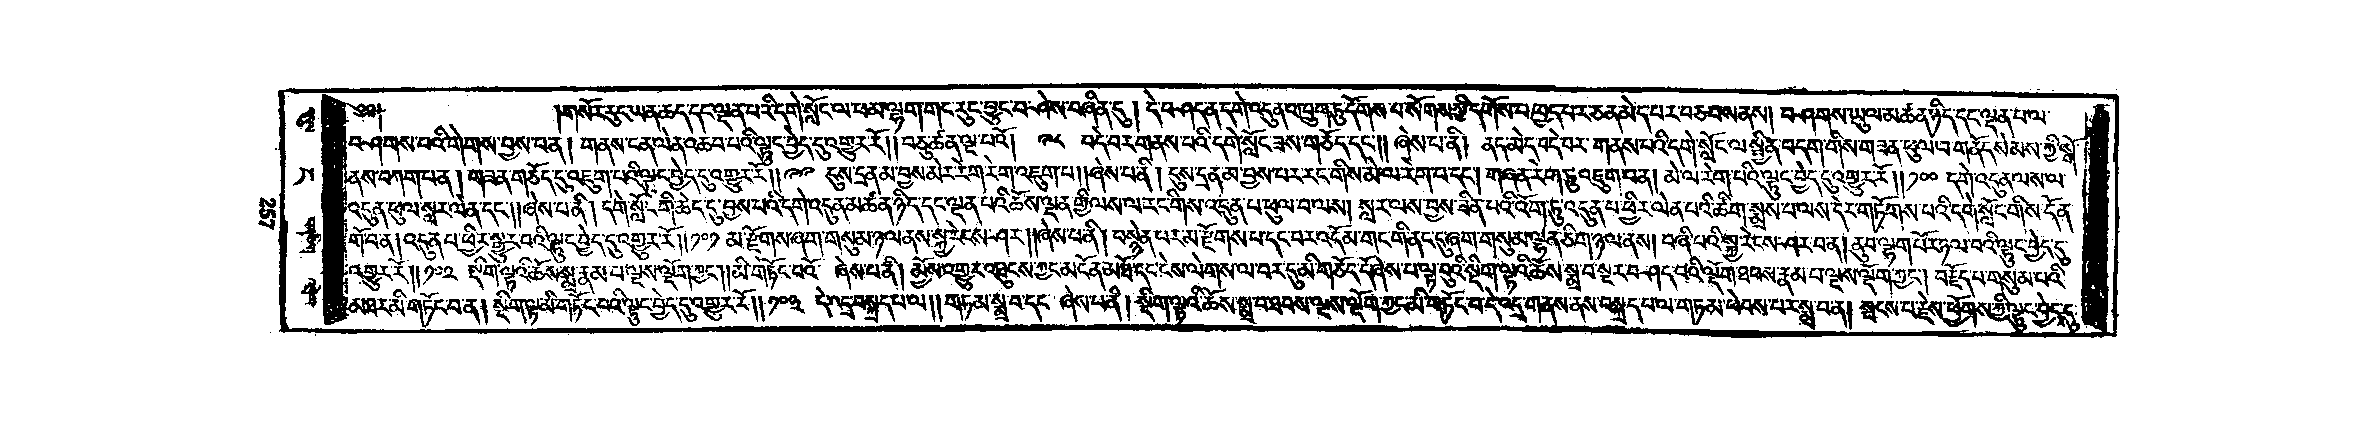༄༅། །གསོར་རུང་ཡན་ཆད་དང་ལྡན་པའི་དགེ་སློང་ལ་ཕམ་ལྷག་གང་རུང་བྱུང་བ་ཤེས་བཞིན་དུ། དེ་བཤད་ན་དགེ་འདུན་འཁྲུག་ཏུ་དོགས་པ་སོགས་ཀྱི་དགོས་པ་ཁྱད་པར་ཅན་མེད་པར་བཅབས་ནས། བཤགས་ཡུལ་མཚན་ཉིད་དང་ལྡན་པ་ལ་
བཤགས་པའི་གེགས་བྱས་པ་ན། གནས་ངན་ལེན་འཆབ་པའི་ལྟུང་བྱེད་དུ་འགྱུར་རོ། །བཅུ་ཚན་ལྔ་པའོ། བདེ་བར་གནས་པའི་དགེ་སློང་ཟས་གཅོད་དང་། །ཞེས་པ་ནི། ནད་མེད་བདེ་བར་གནས་པའི་དགེ་སློང་ལ་སྦྱིན་བདག་གིས་གཟན་ཕུལ་བ་གནོད་སེམས་ཀྱི་སྒོ་
ནས་བཀག་པ་ན། གཟན་གཅོད་དུ་འཇུག་པའི་ལྟུང་བྱེད་དུ་འགྱུར་རོ། །དུས་དྲན་མ་བྱས་མེར་རེག་རེག་འཇུག་པ། །ཞེས་པ་ནི། དུས་དྲན་མ་བྱས་པར་རང་གིས་མེ་ལ་རེག་པ་དང་། གཞན་རེག་ཏུ་འཇུག་པ་ན། མེ་ལ་རེག་པའི་ལྟུང་བྱེད་དུ་འགྱུར་རོ། །དགེ་འདུན་ལས་ལ་
འདུན་ཕུལ་སླར་ལེན་དང་། །ཞེས་པ་ནི། དགེ་སློང་གི་ཆེད་དུ་བྱས་པའི་དགེ་འདུན་མཚན་ཉིད་དང་ལྡན་པའི་ཆོས་ལྡན་གྱི་ལས་ལ་རང་གིས་འདུན་པ་ཕུལ་བ་ལས། སླར་ལས་བྱས་ཟིན་པའི་འོག་ཏུ་འདུན་པ་ཕྱིར་ལེན་པའི་ཚིག་སྨྲས་པ་ལས་དེར་གཏོགས་པའི་དགེ་སློང་གིས་དོན་
གོ་བ་ན། འདུན་པ་ཕྱིར་སྒྱུར་བའི་ལྟུང་བྱེད་དུ་འགྱུར་རོ། །མ་རྫོགས་ཞག་གསུམ་ཉལ་ནས་སྐྱ་རེངས་ཤར། །ཞེས་པ་ནི། བསྙེན་པར་མ་རྫོགས་པ་དང་བར་འདོམ་གང་གི་ནང་དུ་ཞག་གསུམ་ལྷན་ཅིག་ཉལ་ནས། བཞི་པའི་སྐྱ་རེངས་ཤར་བ་ན། ནུབ་ལྷག་པོར་ཉལ་བའི་ལྟུང་བྱེད་དུ་
འགྱུར་རོ། །སྡིག་ལྟའི་ཆོས་སྨྲ་རྣམ་པ་ལྔས་ལྡོག་ཀྱང་། །མི་གཏོང་བའོ་ཞེས་པ་ནི། མྱོས་འགྱུར་འཐུངས་ཀྱང་མངོན་མཐོ་དང་ངེས་ལེགས་ལ་བར་དུ་མི་གཅོད་དོ་ཞེས་པ་ལྟ་བུའི་སྡིག་ལྟའི་ཆོས་སྨྲ་བ་སྔར་བཤད་པའི་ལྡོག་ཐབས་རྣམ་པ་ལྔས་ལྡོག་ཀྱང་། བརྗོད་པ་གསུམ་པའི་
མཐར་མི་གཏོང་བ་ན། སྡིག་ལྟ་མི་གཏོང་བའི་ལྟུང་བྱེད་དུ་འགྱུར་རོ། །དེ་འདྲ་བསྐྲད་པ་ལ། །གཏམ་སྨྲ་བ་དང་ཞེས་པ་ནི། སྡིག་ལྟའི་ཆོས་སྨྲ་བ་ཐབས་ལྔས་ལྡོག་ཀྱང་མི་གཏོང་བ་དེ་འདྲ་གནས་ནས་བསྐྲད་པ་ལ་གཏམ་ཕེབས་པར་སྨྲ་བ་ན། སྤངས་པ་རྗེས་ཕྱོགས་ཀྱི་ལྟུང་བྱེད་དུ་